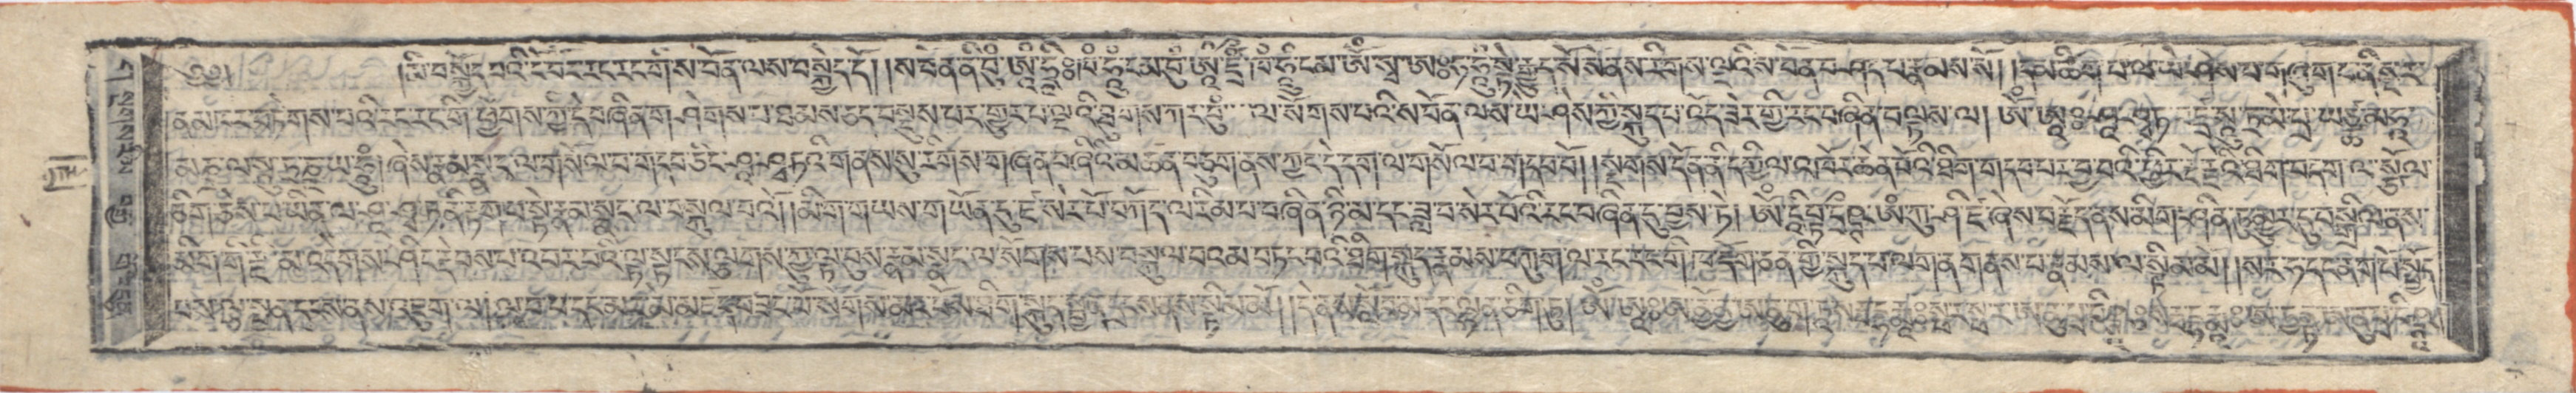༄༅། །མི་བསྐྱོད་པའི་ངོ་བོར་རང་རང་གི་ས་བོན་ལས་བསྐྱེད་དོ། །ས་བོན་ནི་བུཾ་ཨའཾ་ཧྲཱིཿ ཁཾ་ཧཱུཾ་ངམ་བུཾ་ཨའཾ་ཛྲྀཾ་ཁཾ་ཧཱུཾ་ངམ་ཨོཾ་སྭ་ཨཿ ཧ་ཧཱུཾ་སྟེ་རྒྱུད་སོ་སོ་ནས་རིགས་ལྔའི་ས་བོན་བཤད་པ་རྣམས་སོ། །དམ་ཚིག་པ་ལ་ཡེ་ཤེས་པ་གཞུག་པ་ནི་སྔར་
ནམ་མཁར་བཏེགས་པའི་རང་རང་གི་ཕྱོགས་ཀྱི་དེ་བཞིན་གཤེགས་པ་ཐམས་ཅད་བསྡུས་པར་གྱུར་པ་ལྔའི་ཐུགས་ཀར་བུཾ་ལ་སོགས་པའི་ས་བོན་ལས་ཡེ་ཤེས་ཀྱི་སྐུད་པ་འོད་ཟེར་གྱི་རང་བཞིན་བལྟས་ལ། ཨོཾ་ཨཱཿ ཤཱ་ཤྭཏ་བཛྲ་སཱུ་ཏྲ་མེ་པྲ་ཡཙྪ་མཧཱ་
མཎྜ་ལ་སཱུ་ཏྲ་ཎཱ་ཡ་ཧཱུཾ། ཞེས་རྣམ་སྣང་ལ་གསོལ་བ་གདབ་ཅིང་ཤཱ་ཤྭཏའི་གནས་སུ་རིགས་གཞན་བཞིའི་མཚན་བཅུག་ནས་ཀྱང་དེ་དག་ལ་གསོལ་བ་གདབ་བོ། །སྔགས་དོན་ནི་དཀྱིལ་འཁོར་ཆེན་པོའི་ཐིག་གདབ་པར་བྱ་བའི་ཕྱིར་རྡོ་རྗེའི་ཐིག་བདག་ལ་སྩོལ་
ཅིག་ཅེས་པ་ཡིན་ལ་ཤཱ་ཤྭ་ཏ་ནི་རྟག་པ་སྟེ་རྣམ་སྣང་ལ་བསྐུལ་བའོ། །མིག་གཡས་གཡོན་དུ་ཛ་སེར་པོ་བཀོད་ལ་རིམ་པ་བཞིན་ཉི་མ་དང་ཟླ་བ་སེར་པོའི་རང་བཞིན་དུ་བྱས་ཏེ། ཨོཾ་དཱིཔྟ་དྲྀཥྚ་ཨཾ་ཀུ་ཤི་ཛ་ཞེས་བརྗོད་ནས་མིག་ཤིན་ཏུ་མྱུར་དུ་བསྒྲིལ་ནས་
མིག་གི་རྫི་མ་འདེགས་ཤིང་རྡེབས་པ་འབར་བའི་ལྟ་སྟངས་ལྕགས་ཀྱུ་ལྟ་བུས་རྣམ་སྣང་ལ་སོགས་པས་བསྐུལ་བའམ་བཏང་བའི་ཐིག་སྐུད་རྣམས་བཀུག་ལ་རང་རང་གི་ཁ་དོག་ཅན་གྱི་སྐུད་པ་ལག་ན་གནས་པ་རྣམས་ལ་སྟིམ་མོ། །ས་ར་ཧ་དང་ནག་པོ་སྤྱོད་
པས་ལྷ་སྤྱན་དྲངས་ནས་འཇུག་ལ། ལྭ་བ་པ་དང་མར་མེ་མཛད་བཟང་པོ་སོགས་མང་པོས་ཐིག་སྐུད་སྤྱན་དྲངས་ནས་སྟིམ་མོ། །དེ་ནས་སློབ་མ་དང་ལྷན་ཅིག་ཏུ། ཨོཾ་ཨཱཿ ཨ་ནྱོ་ནྱ་ཨ་ནུ་ག་ཏཱ་སརྦ་དྷརྨཱཿ སྥ་ར་སྥ་ར་ཨ་ནུ་པྲ་བིཥྚཱཿ སརྦ་དྷརྨཱཿ ཨ་ཏྱནྟ་ཨ་ནུ་པྲ་བིཥྚཱ་